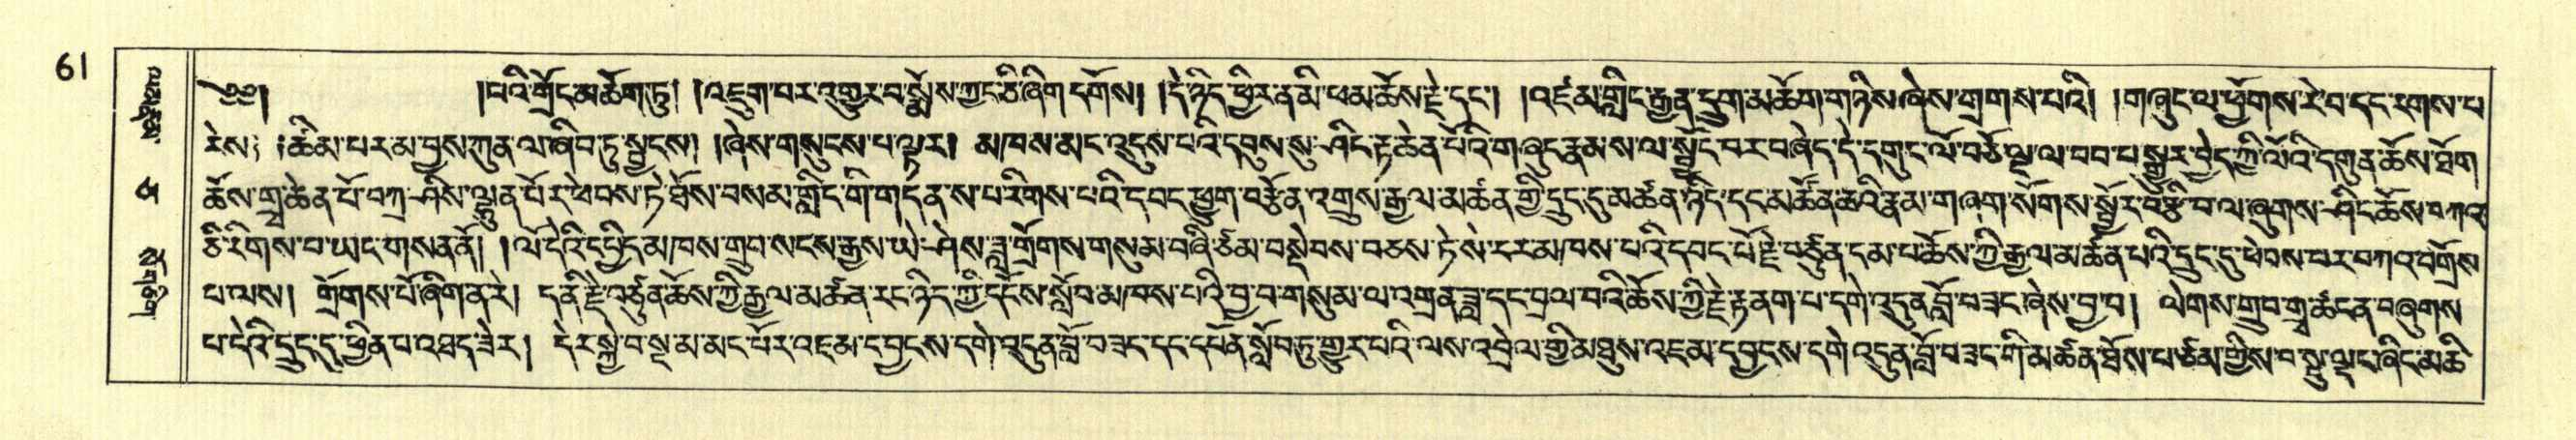༄༅། །པའི་གྲོང་མཆོག་ཏུ། །འཇུག་པར་འགྱུར་བ་སྨོས་ཀྱང་ཅི་ཞིག་དགོས། །དེ་ཉིད་ཕྱིར་ན་མི་ཕམ་ཆོས་རྗེ་དང་། །འཛམ་གླིང་རྒྱན་དྲུག་མཆོག་གཉིས་ཞེས་གྲགས་པའི། །གཞུང་ལ་ཕྱོགས་རེ་བ་དང་རགས་པ་
རེས༑ ༑ཚིམ་པར་མ་བྱས་ཀུན་ལ་ཞིབ་ཏུ་སྦྱངས། །ཞེས་གསུངས་པ་ལྟར། མཁས་མང་འདུས་པའི་དབུས་སུ་ཤིང་རྟ་ཆེན་པོའི་གཞུང་རྣམས་ལ་སྦྱོང་བར་བཞེད་དེ་དགུང་ལོ་བཅོ་ལྔ་ལ་བབ་པ་སྒྱུར་བྱེད་ཀྱི་ལོའི་དགུན་ཆོས་ཐོག་
ཆོས་གྲྭ་ཆེན་པོ་བཀྲ་ཤིས་ལྷུན་པོར་ཕེབས་ཏེ་ཐོས་བསམ་གླིང་གི་གདན་ས་པ་རིགས་པའི་དབང་ཕྱུག་བརྩོན་འགྲུས་རྒྱལ་མཚན་གྱི་དྲུང་དུ་མཚན་ཉིད་དང་མཚོན་ཆའི་རྣམ་གཞག་སོགས་སྦྱོར་བ་རྩི་བ་ལ་ཞུགས་ཤིང་ཆོས་བཀའ་
ཅི་རིགས་པ་ཡང་གསན་ནོ། །ལོ་དེའི་དཔྱིད་མཁས་གྲུབ་སངས་རྒྱས་ཡེ་ཤེས་ཟླ་གྲོགས་གསུམ་བཞི་ཙམ་བསྡེབས་བཅས་ཏེ་སེ་ངར་མཁས་པའི་དབང་པོ་རྗེ་བཙུན་དམ་པ་ཆོས་ཀྱི་རྒྱལ་མཚན་པའི་དྲུང་དུ་ཕེབས་པར་བཀའ་བགྲོས་
པ་ལས། གྲོགས་པོ་ཞིག་ན་རེ། ད་ནི་རྗེ་བཙུན་ཆོས་ཀྱི་རྒྱལ་མཚན་རང་ཉིད་ཀྱི་དངོས་སློབ་མཁས་པའི་བྱ་བ་གསུམ་ལ་འགྲན་ཟླ་དང་བྲལ་བའི་ཆོས་ཀྱི་རྗེ་རྟ་ནག་པ་དགེ་འདུན་བློ་བཟང་ཞེས་བྱ་བ། ལེགས་གྲུབ་གྲྭ་ཚང་ན་བཞུགས་
པ་དེའི་དྲུང་དུ་ཕྱིན་པ་འཐད་ཟེར། དེར་སྐྱེ་བ་སྔ་མ་མང་པོར་འཇམ་དབྱངས་དགེ་འདུན་བློ་བཟང་དང་དཔོན་སློབ་ཏུ་གྱུར་པའི་ལས་འབྲེལ་གྱི་མཐུས་འཇམ་དབྱངས་དགེ་འདུན་བློ་བཟང་གི་མཚན་ཐོས་པ་ཙམ་གྱིས་བསྡུ་ལྡང་ཞིང་མཆི་